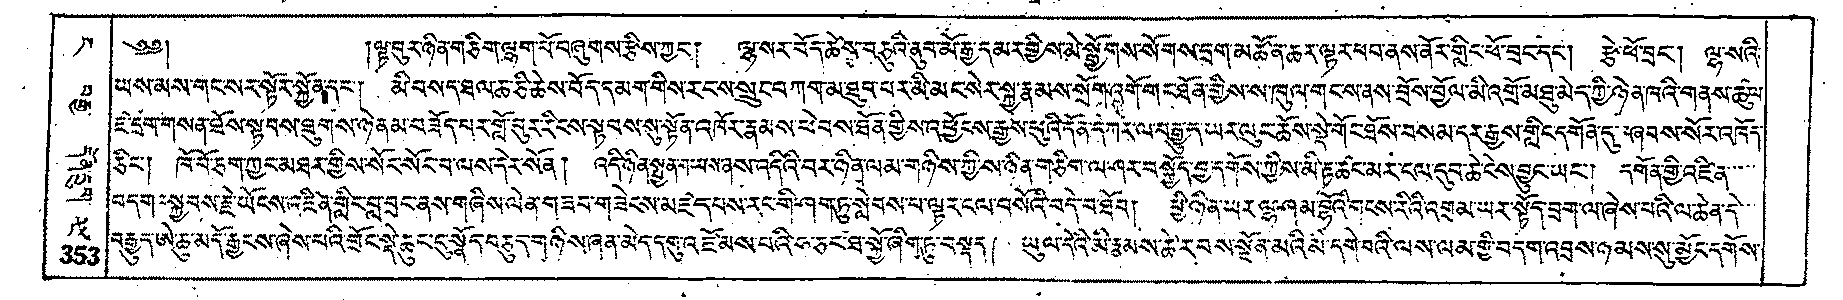༄༅། །ལྟ་བུར་ཉིན་གཅིག་ལྷག་པོ་བཞུགས་རྩིས་ཀྱང་། ལྷ་སར་བོད་ཚེས་བཅུའི་ནུབ་མོ་རྒྱ་དམར་གྱིས་མེ་སྒྱོགས་སོགས་དྲག་མཚོན་ཆར་ལྟར་ཕབ་ནས་ནོར་གླིང་ཕོ་བྲང་དང་། རྩེ་ཕོ་བྲང་། ལྷ་སའི་
ཡས་མས་གང་སར་སྟོར་སྐྱོན་དང་། མི་བསད་ཐལ་ཆ་ཅི་ཆེས་བོད་དམག་གིས་རང་ས་སྲུང་བཀག་མ་ཐུབ་པར་མི་མང་སེར་སྐྱ་རྣམས་སྲོག་འགོ་གང་ཐོན་གྱིས་ས་ཁུལ་གང་ས་ནས་བྲོས་བྱོལ་མི་འགྲོ་མཐུ་མེད་ཀྱི་ཉེན་ཁའི་གནས་ཚུལ་
་ཛ་དྲག་གསན་ཐོས་སྟབས་ཐུགས་ཉེན་མ་བཟོད་པར་གློ་བུར་རིངས་སྟབས་སུ་སྟོན་འཁོར་པ་ཨམས་ཕེབས་ཐོན་གྱིས་འཕྱོངས་རྒྱས་ཕུའི་དོན་དཀར་ལ་བརྒྱུད་ཡར་ལུང་ཆོས་སྡེ་གོང་ཐོས་བསམ་དར་རྒྱས་གླིང་དགོན་དུ་༧ཞབས་སོར་འཁོད་
ཅིང་། ཁོ་བོ་ཅག་ཀྱང་མཐར་གྱིས་སོང་སོང་བ་ལས་དེར་སོན། འདི་ཉིན་སྤྱན་གཡས་ནས་འདིའི་བར་ཉིན་ལམ་གཉིས་ཀྱི་ས་ཉིན་གཅིག་ལ་ཤར་བསྐྱོད་བྱ་དགོས་ཀྱིས་མི་རྟ་ཚང་མར་ངལ་དུབ་ཆེ་ངེས་བྱུང་ཡང་། དགོན་གྱི་འཛིན་
བདག་༧སྐྱབས་རྗེ་ཡོངས་འཛ་
.དཏ་མིསྶིང་ཧེརེ
འགྲམ་ཡར་སྟོད་བྲག་ལ་ཞེས་པའི་ལ་ཆེན་དེ་
]བརྒྱུད་ཨེ་ཆུ་མོ་རྒྱངས་ཞེས་པའི་གྲོང་སྡེ་ཆུང་ངུ་སྣོད་བཅུད་གཉིས་ཞན་མེད་དགུ་འཛ ]ས་པའི་ཧ་ཅང་ཐ་སྐྱོ་ཞིག་ཏུ་བསྡད། ཡུལ་དེའི་མི་རྣམས་ཚེ་རབས་སྔོན་མའི་མི་དགེ་བའི་ལས་ལམ་གྱི་བདག་འབྲས་ཉམས་སུ་མྱོང་དགོས་